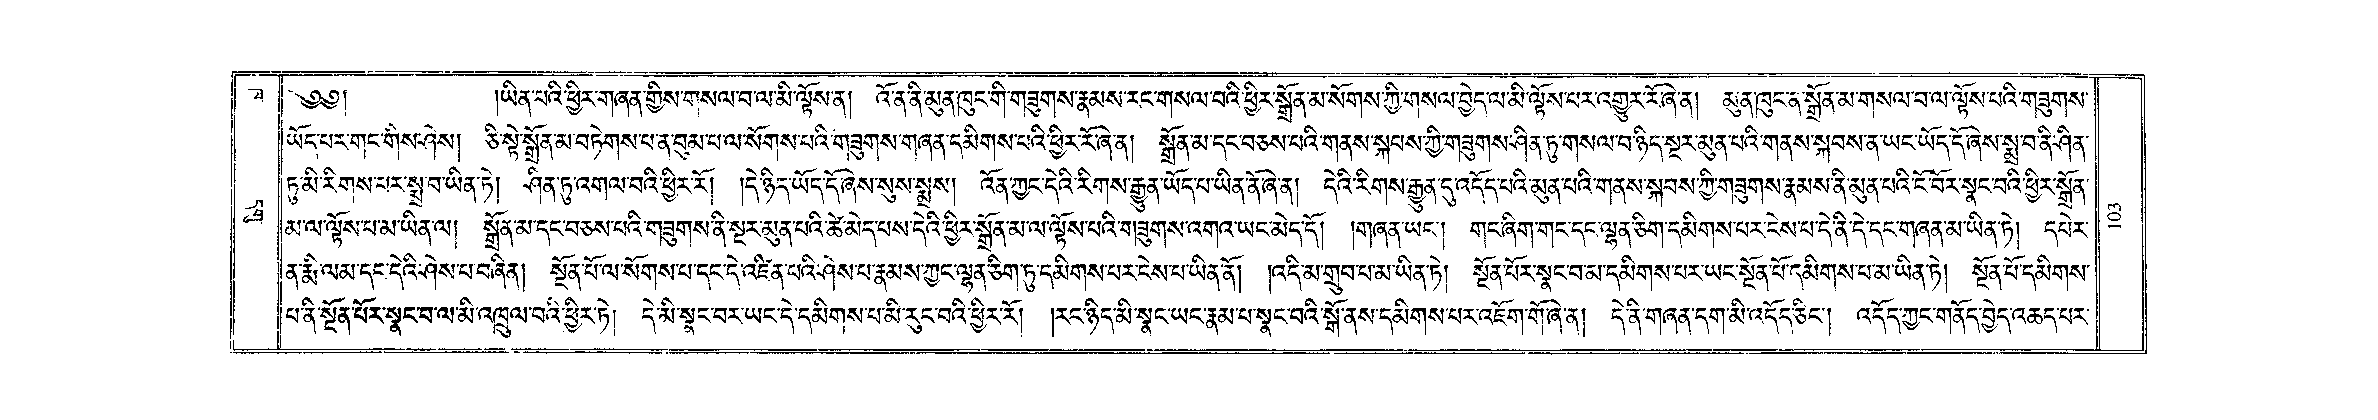༄༅། །ཡིན་པའི་ཕྱིར་གཞན་གྱིས་གསལ་བ་ལ་མི་ལྟོས་ན། འོ་ན་ནི་མུན་ཁུང་གི་གཟུགས་རྣམས་རང་གསལ་བའི་ཕྱིར་སྒྲོན་མ་སོགས་ཀྱི་གསལ་བྱེད་ལ་མི་ལྟོས་པར་འགྱུར་རོ་ཞེ་ན། མུན་ཁུང་ན་སྒྲོན་མ་གསལ་བ་ལ་ལྟོས་པའི་གཟུགས་
ཡོད་པར་གང་གིས་ཤེས། ཅི་སྟེ་སྒྲོན་མ་བཏེགས་པ་ན་བུམ་པ་ལ་སོགས་པའི་གཟུགས་གཞན་དམིགས་པའི་ཕྱིར་རོ་ཞེ་ན། སྒྲོན་མ་དང་བཅས་པའི་གནས་སྐབས་ཀྱི་གཟུགས་ཤིན་ཏུ་གསལ་བ་ཉིད་སྔར་མུན་པའི་གནས་སྐབས་ན་ཡང་ཡོད་དོ་ཞེས་སྨྲ་བ་ནི་ཤིན་
ཏུ་མི་རིགས་པར་སྨྲ་བ་ཡིན་ཏེ། ཤིན་ཏུ་འགལ་བའི་ཕྱིར་རོ། །དེ་ཉིད་ཡོད་དོ་ཞེས་སུས་སྨྲས། འོན་ཀྱང་དེའི་རིགས་རྒྱུན་ཡོད་པ་ཡིན་ནོ་ཞེ་ན། དེའི་རིགས་རྒྱུན་དུ་འདོད་པའི་མུན་པའི་གནས་སྐབས་ཀྱི་གཟུགས་རྣམས་ནི་མུན་པའི་ངོ་བོར་སྣང་བའི་ཕྱིར་སྒྲོན་
མ་ལ་ལྟོས་པ་མ་ཡིན་ལ། སྒྲོན་མ་དང་བཅས་པའི་གཟུགས་ནི་སྔར་མུན་པའི་ཚེ་མེད་པས་དེའི་ཕྱིར་སྒྲོན་མ་ལ་ལྟོས་པའི་གཟུགས་འགའ་ཡང་མེད་དོ། །གཞན་ཡང་། གང་ཞིག་གང་དང་ལྷན་ཅིག་དམིགས་པར་ངེས་པ་དེ་ནི་དེ་དང་གཞན་མ་ཡིན་ཏེ། དཔེར་
ན་རྨི་ལམ་དང་དེའི་ཤེས་པ་བཞིན། སྔོན་པོ་ལ་སོགས་པ་དང་དེ་འཛིན་པའི་ཤེས་པ་རྣམས་ཀྱང་ལྷན་ཅིག་ཏུ་དམིགས་པར་ངེས་པ་ཡིན་ནོ། །འདི་མ་གྲུབ་པ་མ་ཡིན་ཏེ། སྔོན་པོར་སྣང་བ་མ་དམིགས་པར་ཡང་སྔོན་པོ་དམིགས་པ་མ་ཡིན་ཏེ། སྔོན་པོ་དམིགས་
པ་ནི་སྔོན་པོར་སྣང་བ་ལ་མི་འཁྲུལ་བའི་ཕྱིར་ཏེ། དེ་མི་སྣང་བར་ཡང་དེ་དམིགས་པ་མི་རུང་བའི་ཕྱིར་རོ། །རང་ཉིད་མི་སྣང་ཡང་རྣམ་པ་སྣང་བའི་སྒོ་ནས་དམིགས་པར་འཇོག་གོ་ཞེ་ན། དེ་ནི་གཞན་དག་མི་འདོད་ཅིང་། འདོད་ཀྱང་གནོད་བྱེད་འཆད་པར་